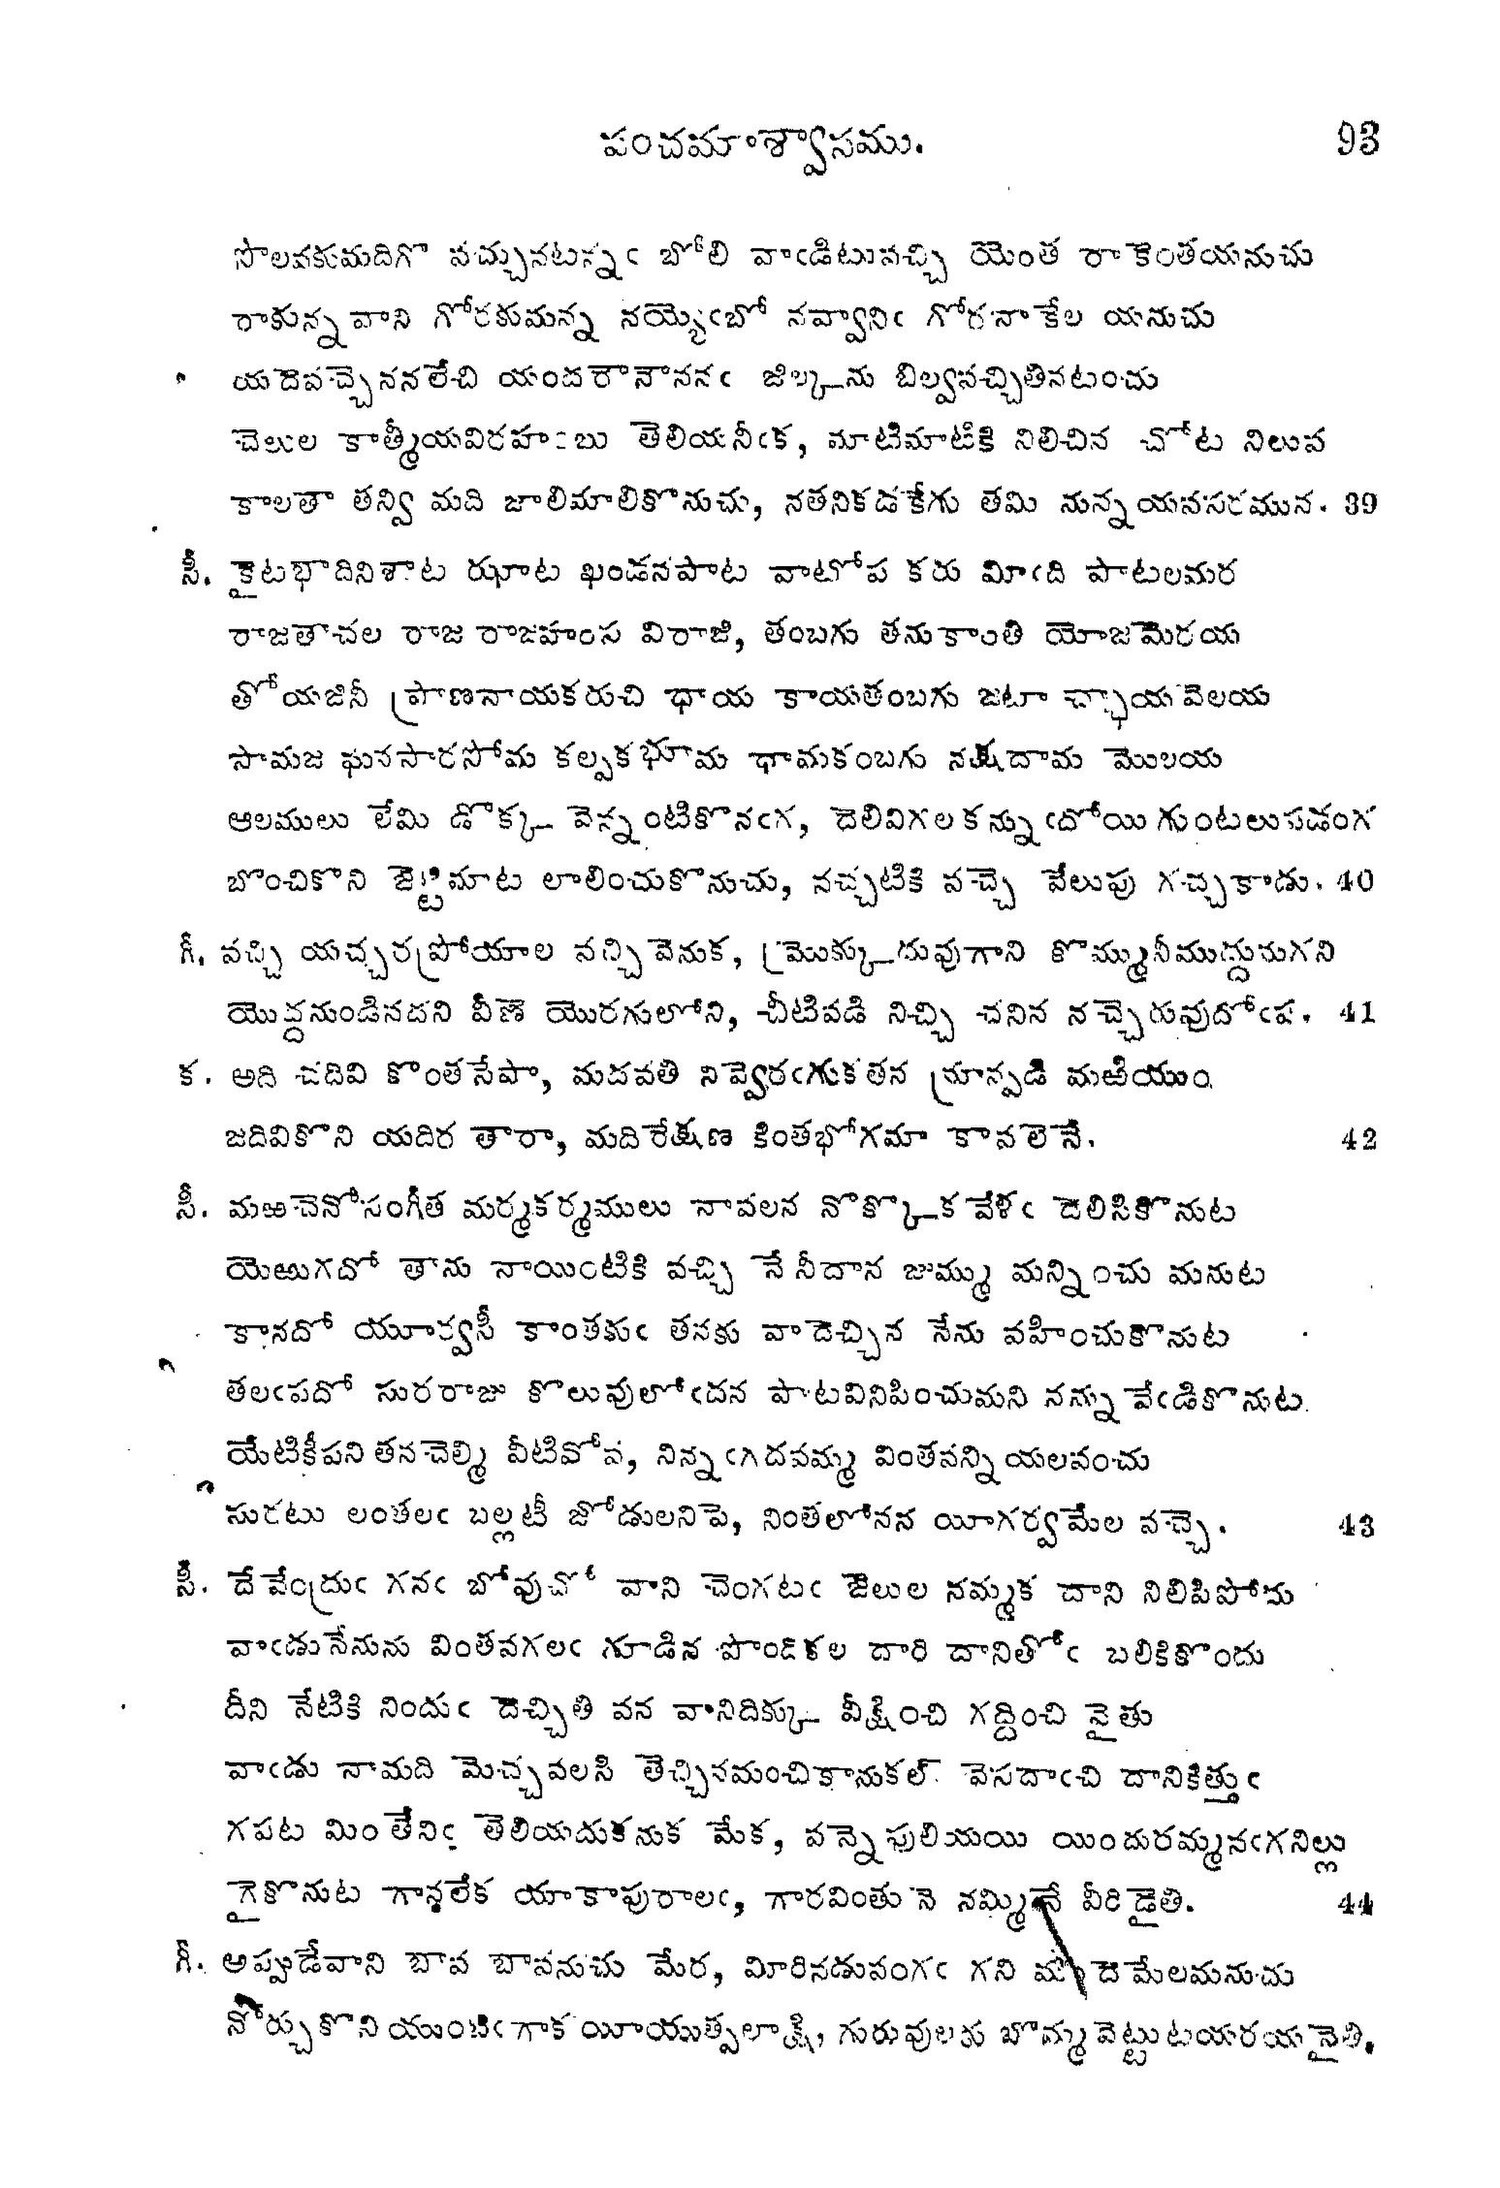సొలవకు మదిగొ వచ్చునటన్నఁ బోలి వాఁ డిటు వచ్చి యెంత రా కొంతయనుచు
గాకున్న వాని గోరకుమన్న నయ్యెఁబో నవ్వానిఁ గోర నా కేల యనుచు
యదె వచ్చె నన లేచి యంద రౌనౌననఁ జిల్కను బిల్వవచ్చితినటంచు
చెలుల కాత్మీయవిరహంబు తెలియనీఁక, మాటిమాటికి నిలిచినచోట నిలువ
చాల కాతన్వి మది జాలిమాలికొనుచు, నతనికడ కేగు తమి నున్న యవసరమున.
సీ. కైటభాదినిశాటఝాటఖండనపాటవాటోపకరుమీఁది పాటలమర
రాజతాచలరాజు రాజహంసవిరాజి, తంబగు తనుకాంతి యోజమెరయ
తోయజినీప్రాణనాయకరుచిధాయకాయతంబగు జటాచ్ఛాయ వెలయ
సామజఘనసారసోమకల్పకభూమధామకంబగు నక్షదామ మొలయ
ఆలములు లేమి డొక్క వెన్నంటికొనఁగ, దెలివిగలకన్నుఁదోయి గుంటలు 
బొంచికొని జెట్టిమాట లాలించుకొనుచు, నచ్చటికి వచ్చె వేలుపు గచ్చకాడు.
గీ. వచ్చి యచ్చరప్రోయాల వచ్చి వెనుక, మ్రొక్కుదువు గాని కొమ్ము నీముద్దుమగని
యొద్దనుండినదని వీణ యొరగులోని, చీటి వడి నిచ్చి చనిన నచ్చెరువు దోఁప.
క. అది చదివి కొంతసే పా, మదవతి నివ్వెరఁగుకతన మ్రాన్పడి మఱియుం
జదివికొని యదిర తారా, మదిరేక్షణ కింతభోగమా కావలెనే.
సీ. మఱచెనో సంగీతమర్మకర్మములు నావలన నొక్కొకవేళఁ దెలిసికొనుట
యెఱుగదో తాను నాయింటికి వచ్చి నే నీదాన జుమ్ము మన్నించు మనుట
కానదో యూర్వసీకాంతకుఁ తనకు వా దెచ్చిన నేను వహించుకొనుట
తలఁపదో సురరాజు కొలువులోఁ దనపాట వినిపించుమని నన్ను వేఁడికొనుట
యేటి కీపని తనచెల్మి వీటివోవ, నిన్నఁగదవమ్మ వింతవన్నియలవంచు
సురటు లంతటఁ బల్లటీజోడు లనిపె, నింతలోనన యీగర్వమేల వచ్చె.
సీ. దేవేంద్రుఁ గనఁ బోవుచో వానిచెంగటఁ జెలుల నమ్మక దాని నిలిపిపోదు
వాఁడు నేనును వింతవగలఁ గూడిన పొందికల దారి దానితోఁ బలికికొందు
దీని నేటికి నిందుఁ దెచ్చితి వన వానిదిక్కు వీక్షించి గద్దించి వైతు
వాఁడు నామది మెచ్చవలసి తెచ్చిన మంచికానుకల్ వెసదాఁచి దానికిత్తుఁ
గపట మింతేనిఁ దెలియదు కనుక మేక, వన్నెపులియయి యిందు రమ్మనఁగ నిల్లు
గైకొనుట గానలేక యాకాపురాలఁ, గారవింతునె నమ్మీ నే వీరిడైతి.
గీ. అప్పుడే వాని బావ బా వనుచు మేర, మీరి నడువంగఁ గని మందెమేల మనుచు
నోర్చుకొనియుంటిఁ గాక యీయుత్పలాక్షి, గురువులకు బొమ్మవెట్టుట యరయనైతి.